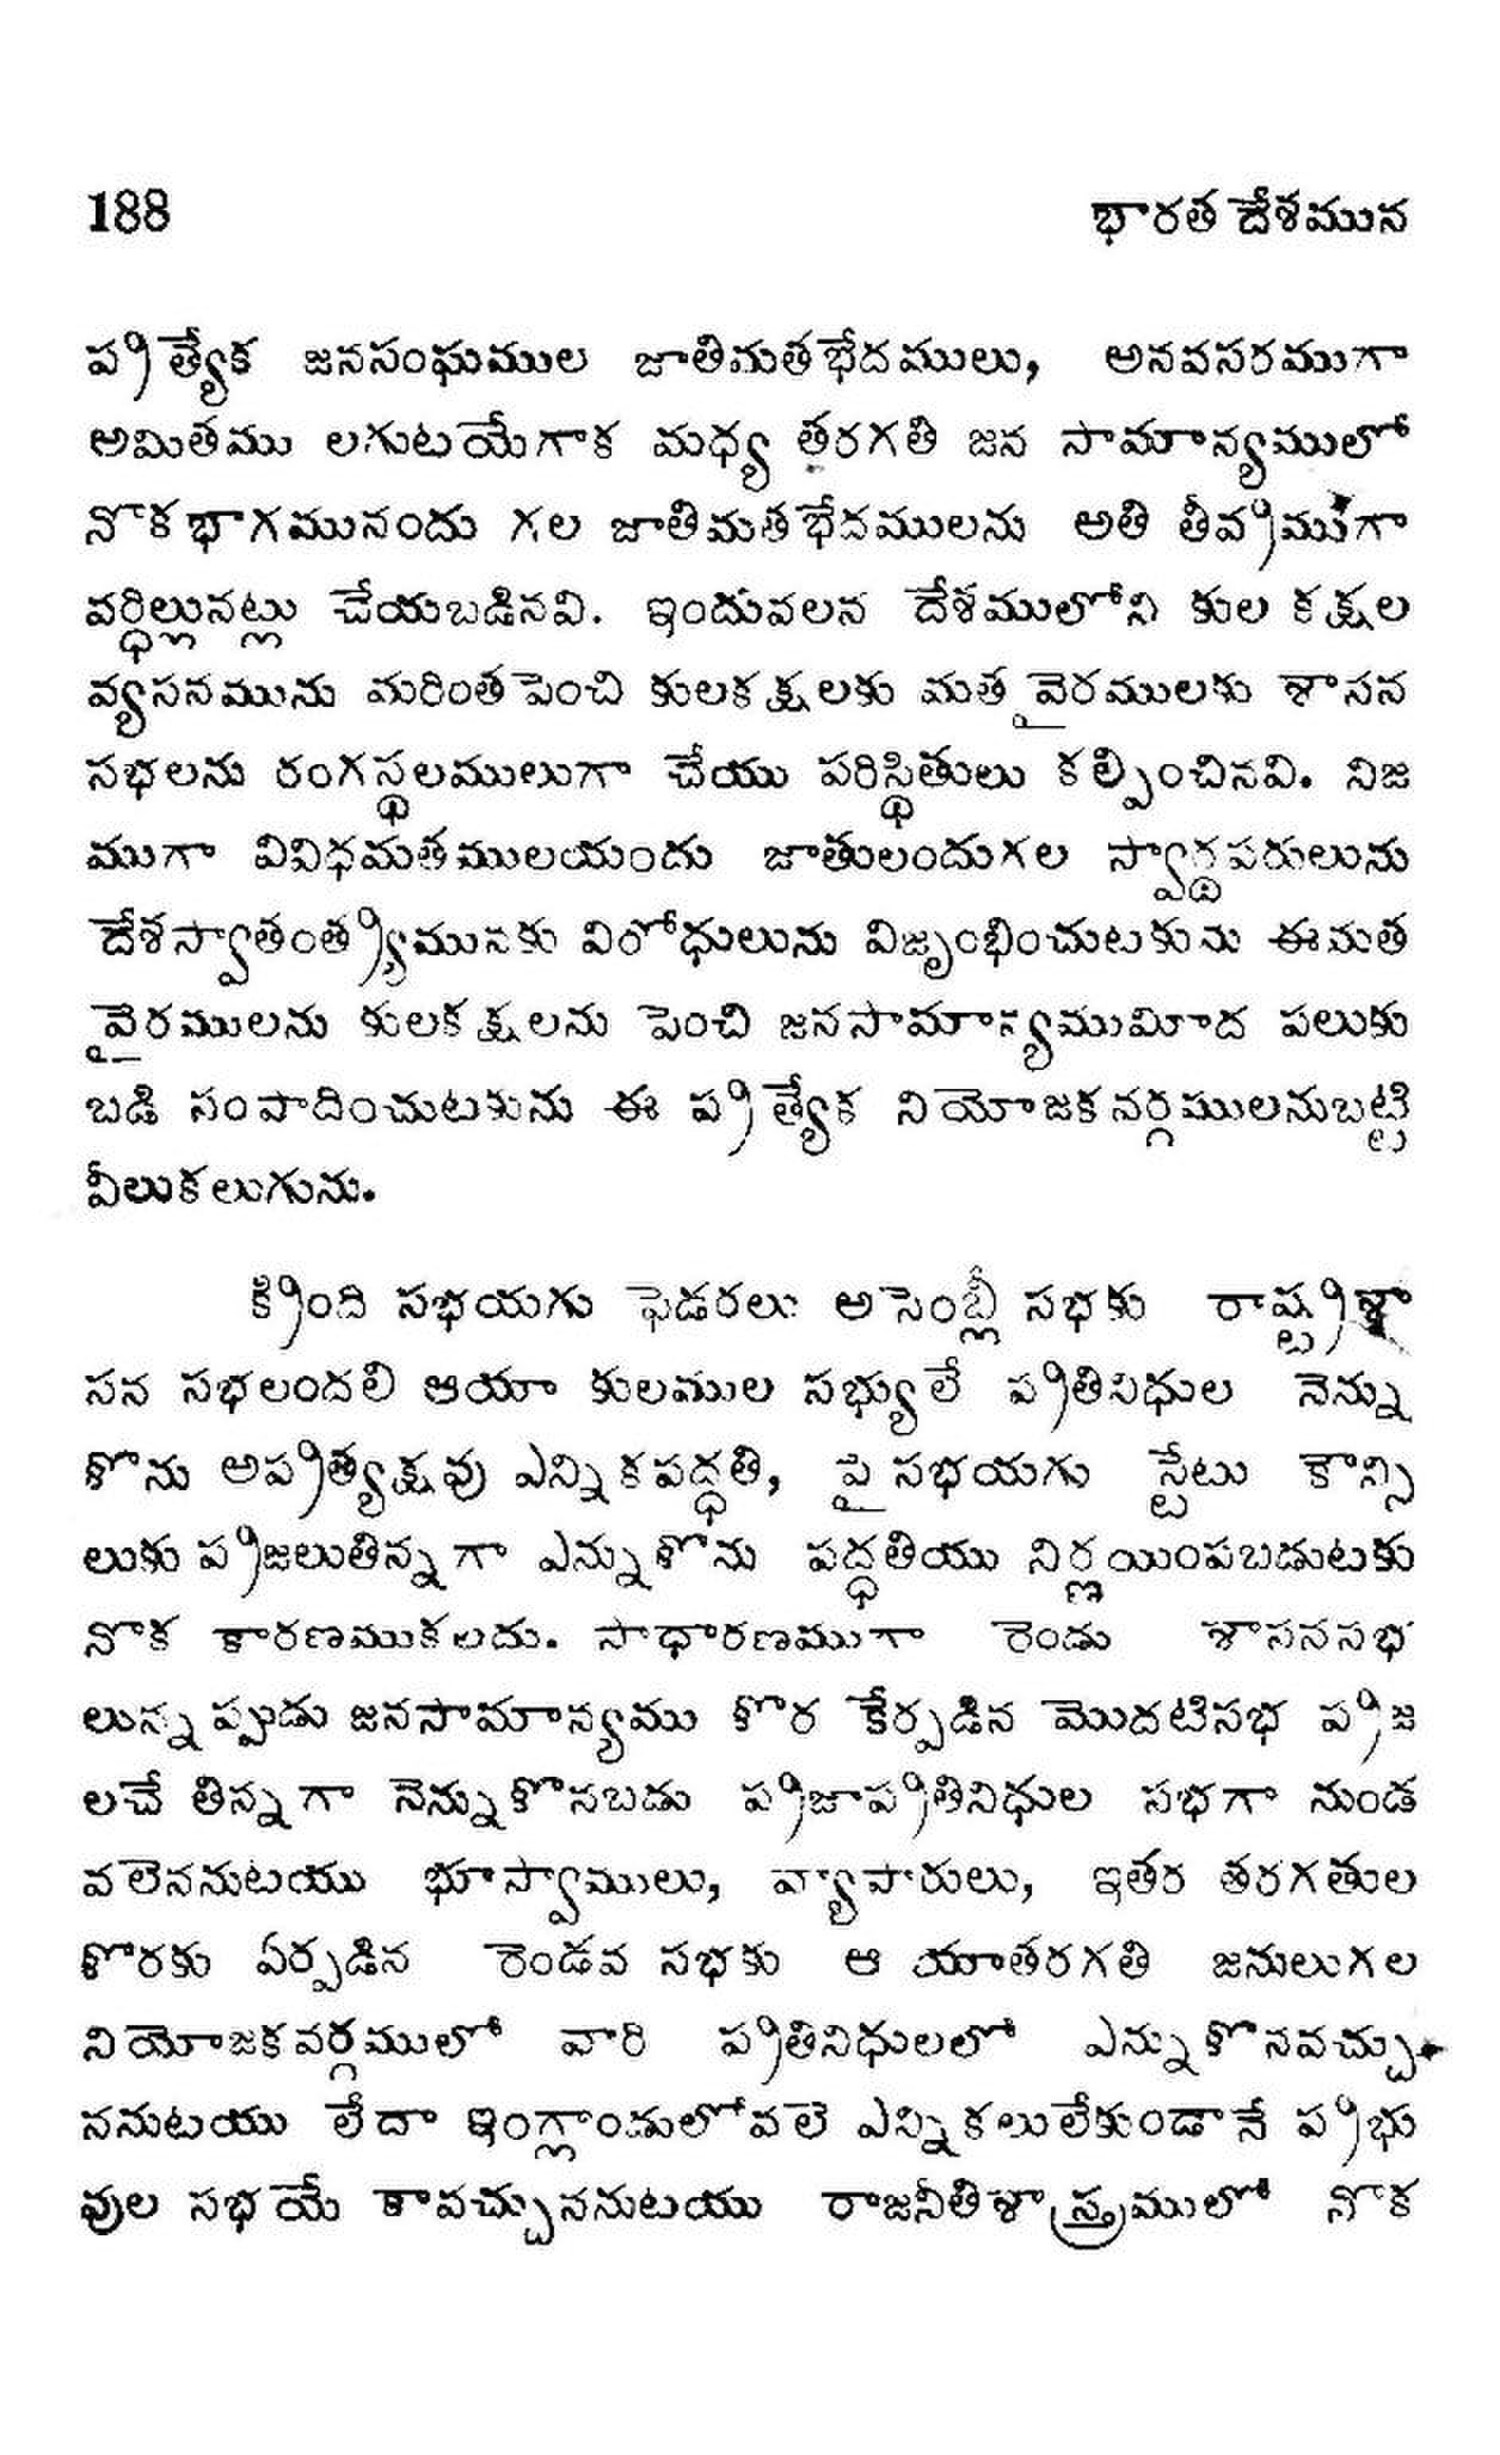ప్రత్యేక జనసంఘముల జాతిమతభేదములు, అనవసరముగా అమితము లగుటయేగాక మధ్య తరగతి జన సామాన్యములో నొకభాగమునందు గల జాతిమతభేదములను అతితీవ్రముగా వర్ధిల్లునట్లు చేయబడినవి. ఇందువలన దేశములోని కుల కక్షల వ్యసనమును మరింతపెంచి కులకక్షలకు మతవైరములకు శాసనసభలను రంగస్థలములుగా చేయు పరిస్థితులు కల్పించినవి. నిజముగా వివిధమతములయందు జాతులందుగల స్వార్థపరులును దేశస్వాతంత్ర్యమునకు విరోధులును విజృంభించుటకును ఈమత వైరములను కులకక్షలను పెంచి జనసామాన్యముమీద పలుకుబడి సంపాదించుటకును ఈ ప్రత్యేక నియోజకవర్గములనుబట్టి వీలుకలుగును.

క్రింది సభయగు ఫెడరలు: అసెంబ్లీ సభకు రాష్ట్రశాసన సభలందలి ఆయా కులముల సభ్యులే ప్రతినిధుల నెన్నుకొను అప్రత్యక్షువు ఎన్నికపద్ధతి, పై సభయగు స్టేటు కౌన్సిలుకు ప్రజలుతిన్నగా ఎన్నుకొను పద్దతియు నిర్ణయింపబడుటకు నొక కారణముకలదు. సాధారణముగా రెండు శాసనసభలున్నప్పుడు జనసామాన్యము కొర కేర్పడిన మొదటిసభ ప్రజలచే తిన్నగా నెన్నుకొనబడు ప్రజాప్రతినిధుల సభగా నుండవలెననుటయు భూస్వాములు, వ్యాపారులు, ఇతర తరగతుల కొరకు ఏర్పడిన రెండవ సభకు ఆ యాతరగతి జనులుగల నియోజకవర్గములో వారి ప్రతినిధులలో ఎన్నుకొనవచ్చుననుటయు లేదా ఇంగ్లాండులోవలే ఎన్నికలులేకుండానే ప్రభువుల సభయే కావచ్చుననుటయు రాజనీతిశాస్త్రములో నొక